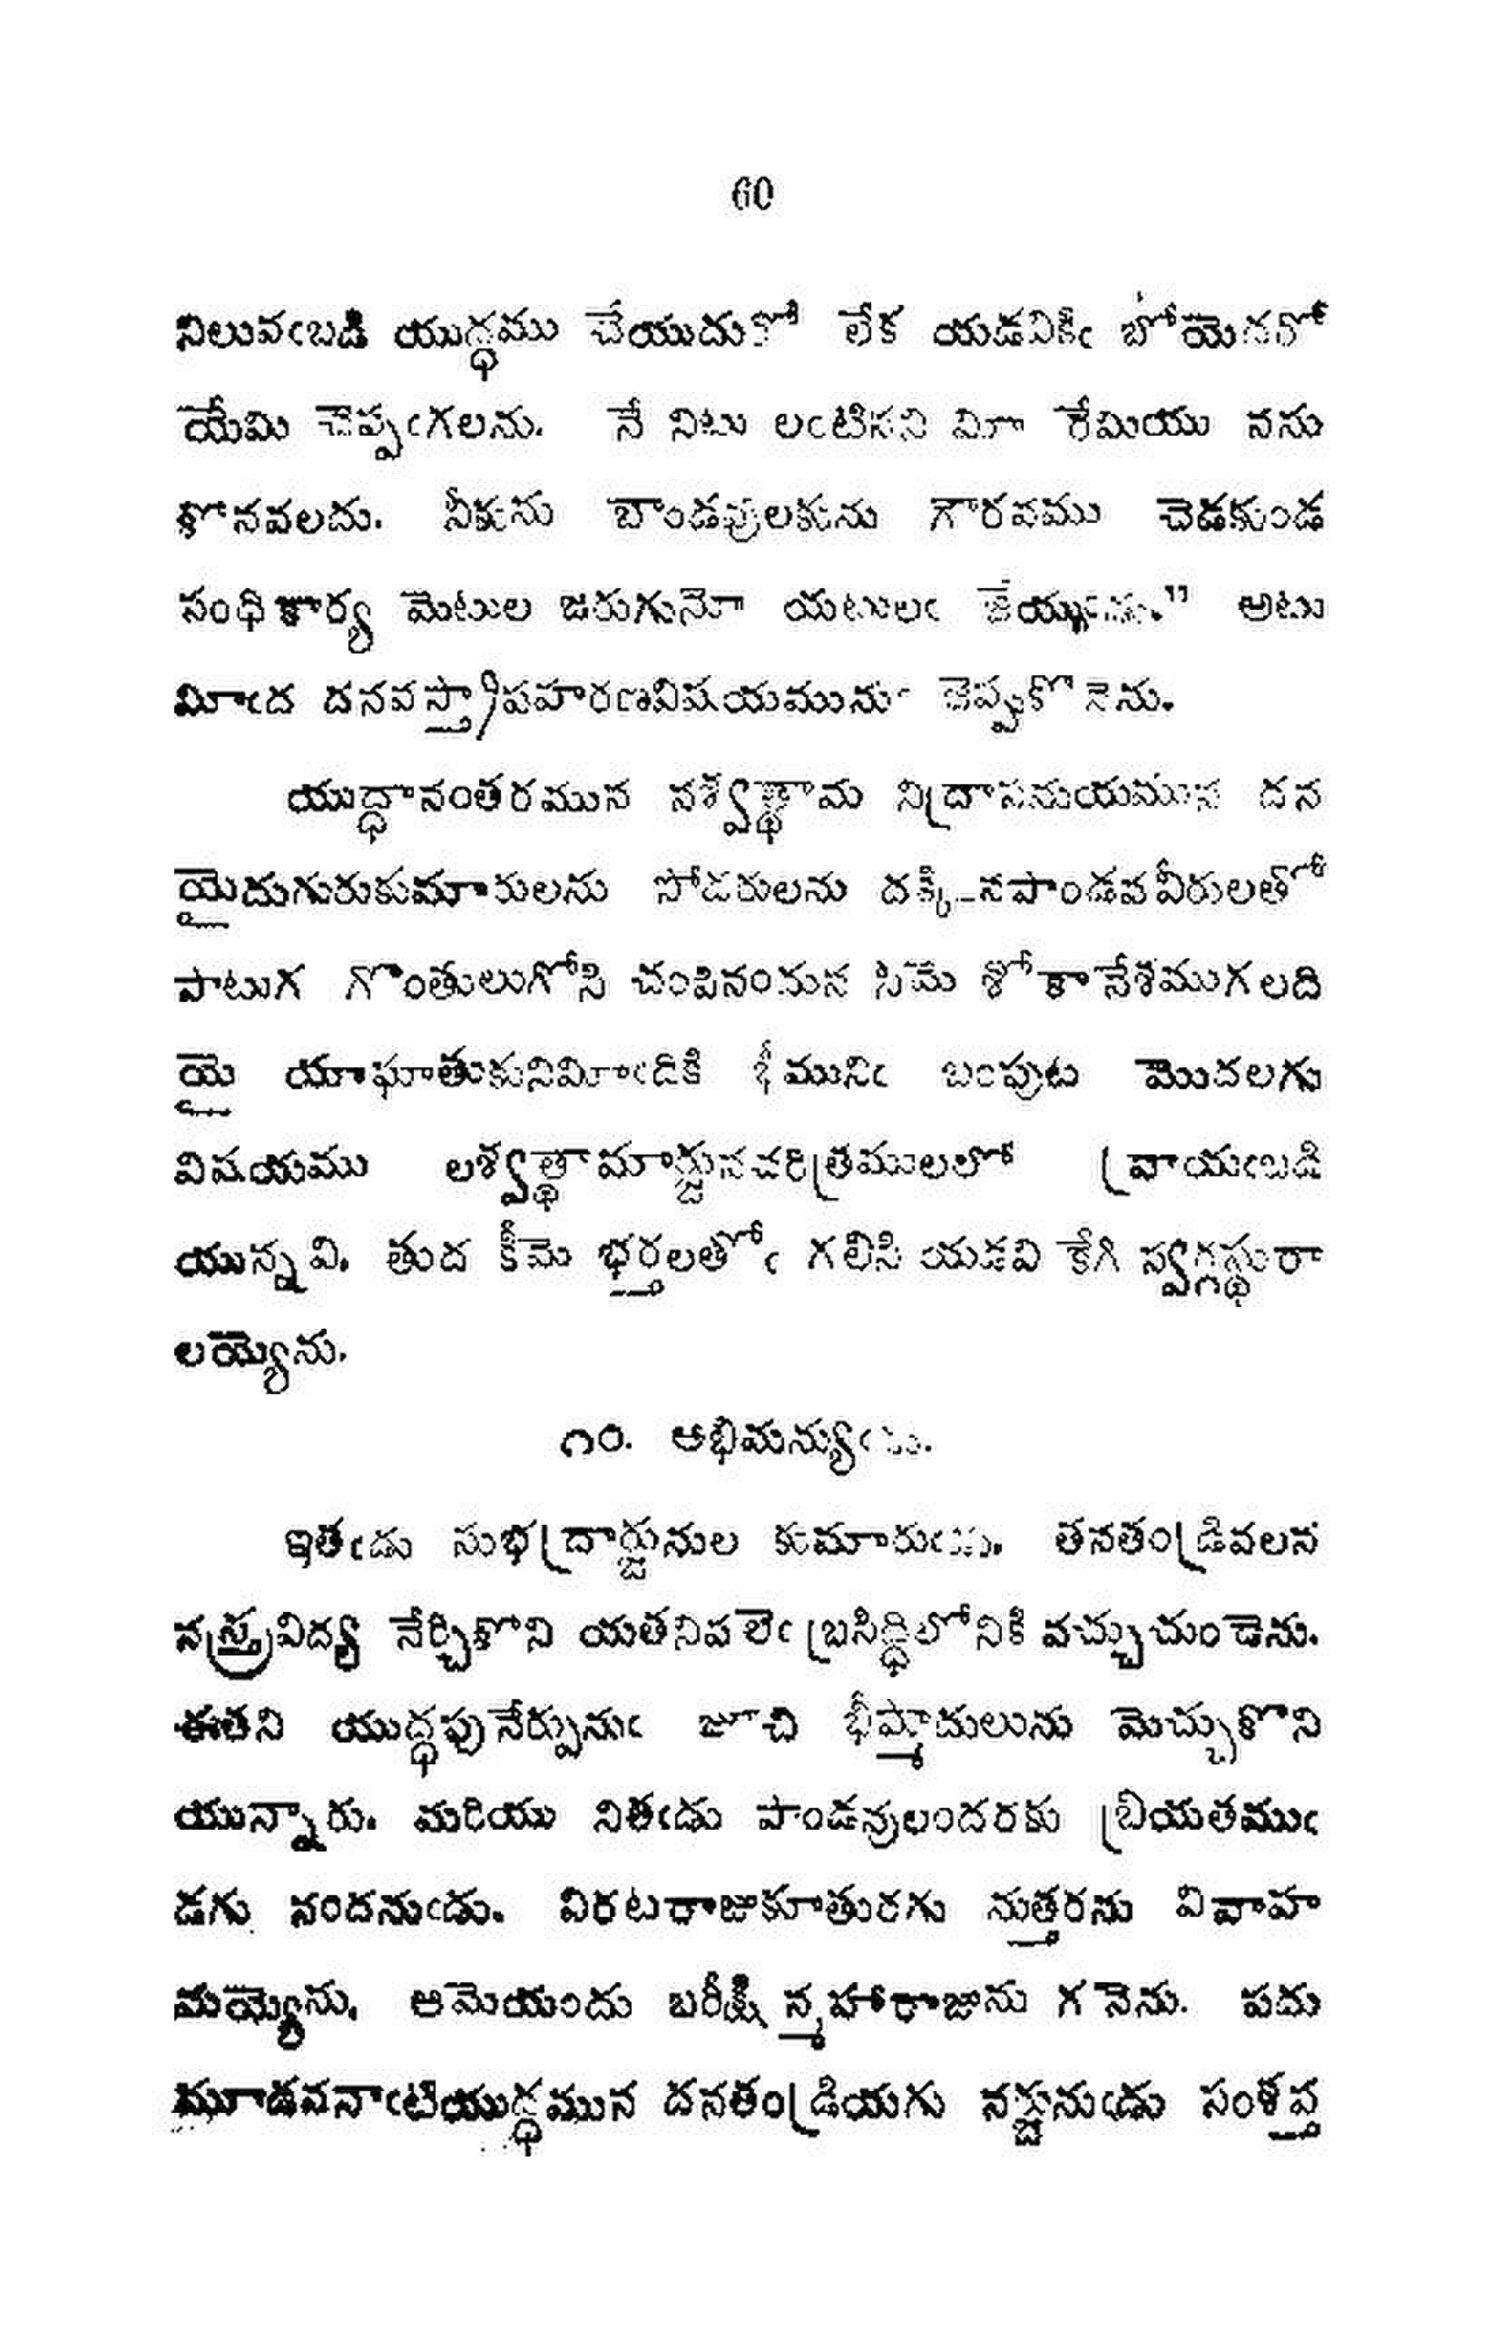నిలువఁబడి యుద్ధము చేయుదురో లేక యడవికిఁ బోయెదరో యేమి చెప్పఁగలను. నే నిటు లంటినని మీ రేమియు ననుకొనవలదు. నీకును బాండవులకును గౌరవము చెడకుండ సంధికార్య మెటుల జరుగునో యటులఁ జేయుఁడు." అటుమీఁద దనవస్త్రాపహరణవిషయమునుఁ జెప్పుకొనెను.

యుద్ధానంతరమున నశ్వత్థామ నిద్రాసమయమున దన యైదుగురుకుమారులను సోదరులను దక్కనపాండవవీరులతో పాటుగ గొంతులుగోసి చంపినందున నీమే శోకావేశముగలది యై యాఘాతుకునిమీఁదికి భీమునిఁ బంపుట మొదలగు విషయము లశ్వత్థామార్జునచరిత్రములలో వ్రాయఁబడి యున్నవి. తుద కీమె భర్తలతోఁ గలిసి యడవి కేగి స్వర్గస్థురాలయ్యెను.

ఇతఁడు సుభద్రార్జునుల కుమారుఁడు. తనతండ్రివలన నస్త్రవిద్య నేర్చికొని యతనివలెఁ బ్రసిద్ధిలోనికి వచ్చుచుండెను. ఈతని యుద్ధపునేర్పునుఁ జూచి భీష్మాదులును మెచ్చుకొని యున్నారు. మరియు నితఁడు పాండవులందరకు బ్రియతముఁడగు నందనుఁడు. విరటరాజుకూతురగు నుత్తరను వివాహ
మయ్యెను. ఆమెయందు బరీక్ష న్మహారాజును గనెను. పదుమూడవనాఁటియుద్ధమున దనతండ్రియగు నర్జునుఁడు సంశప్త